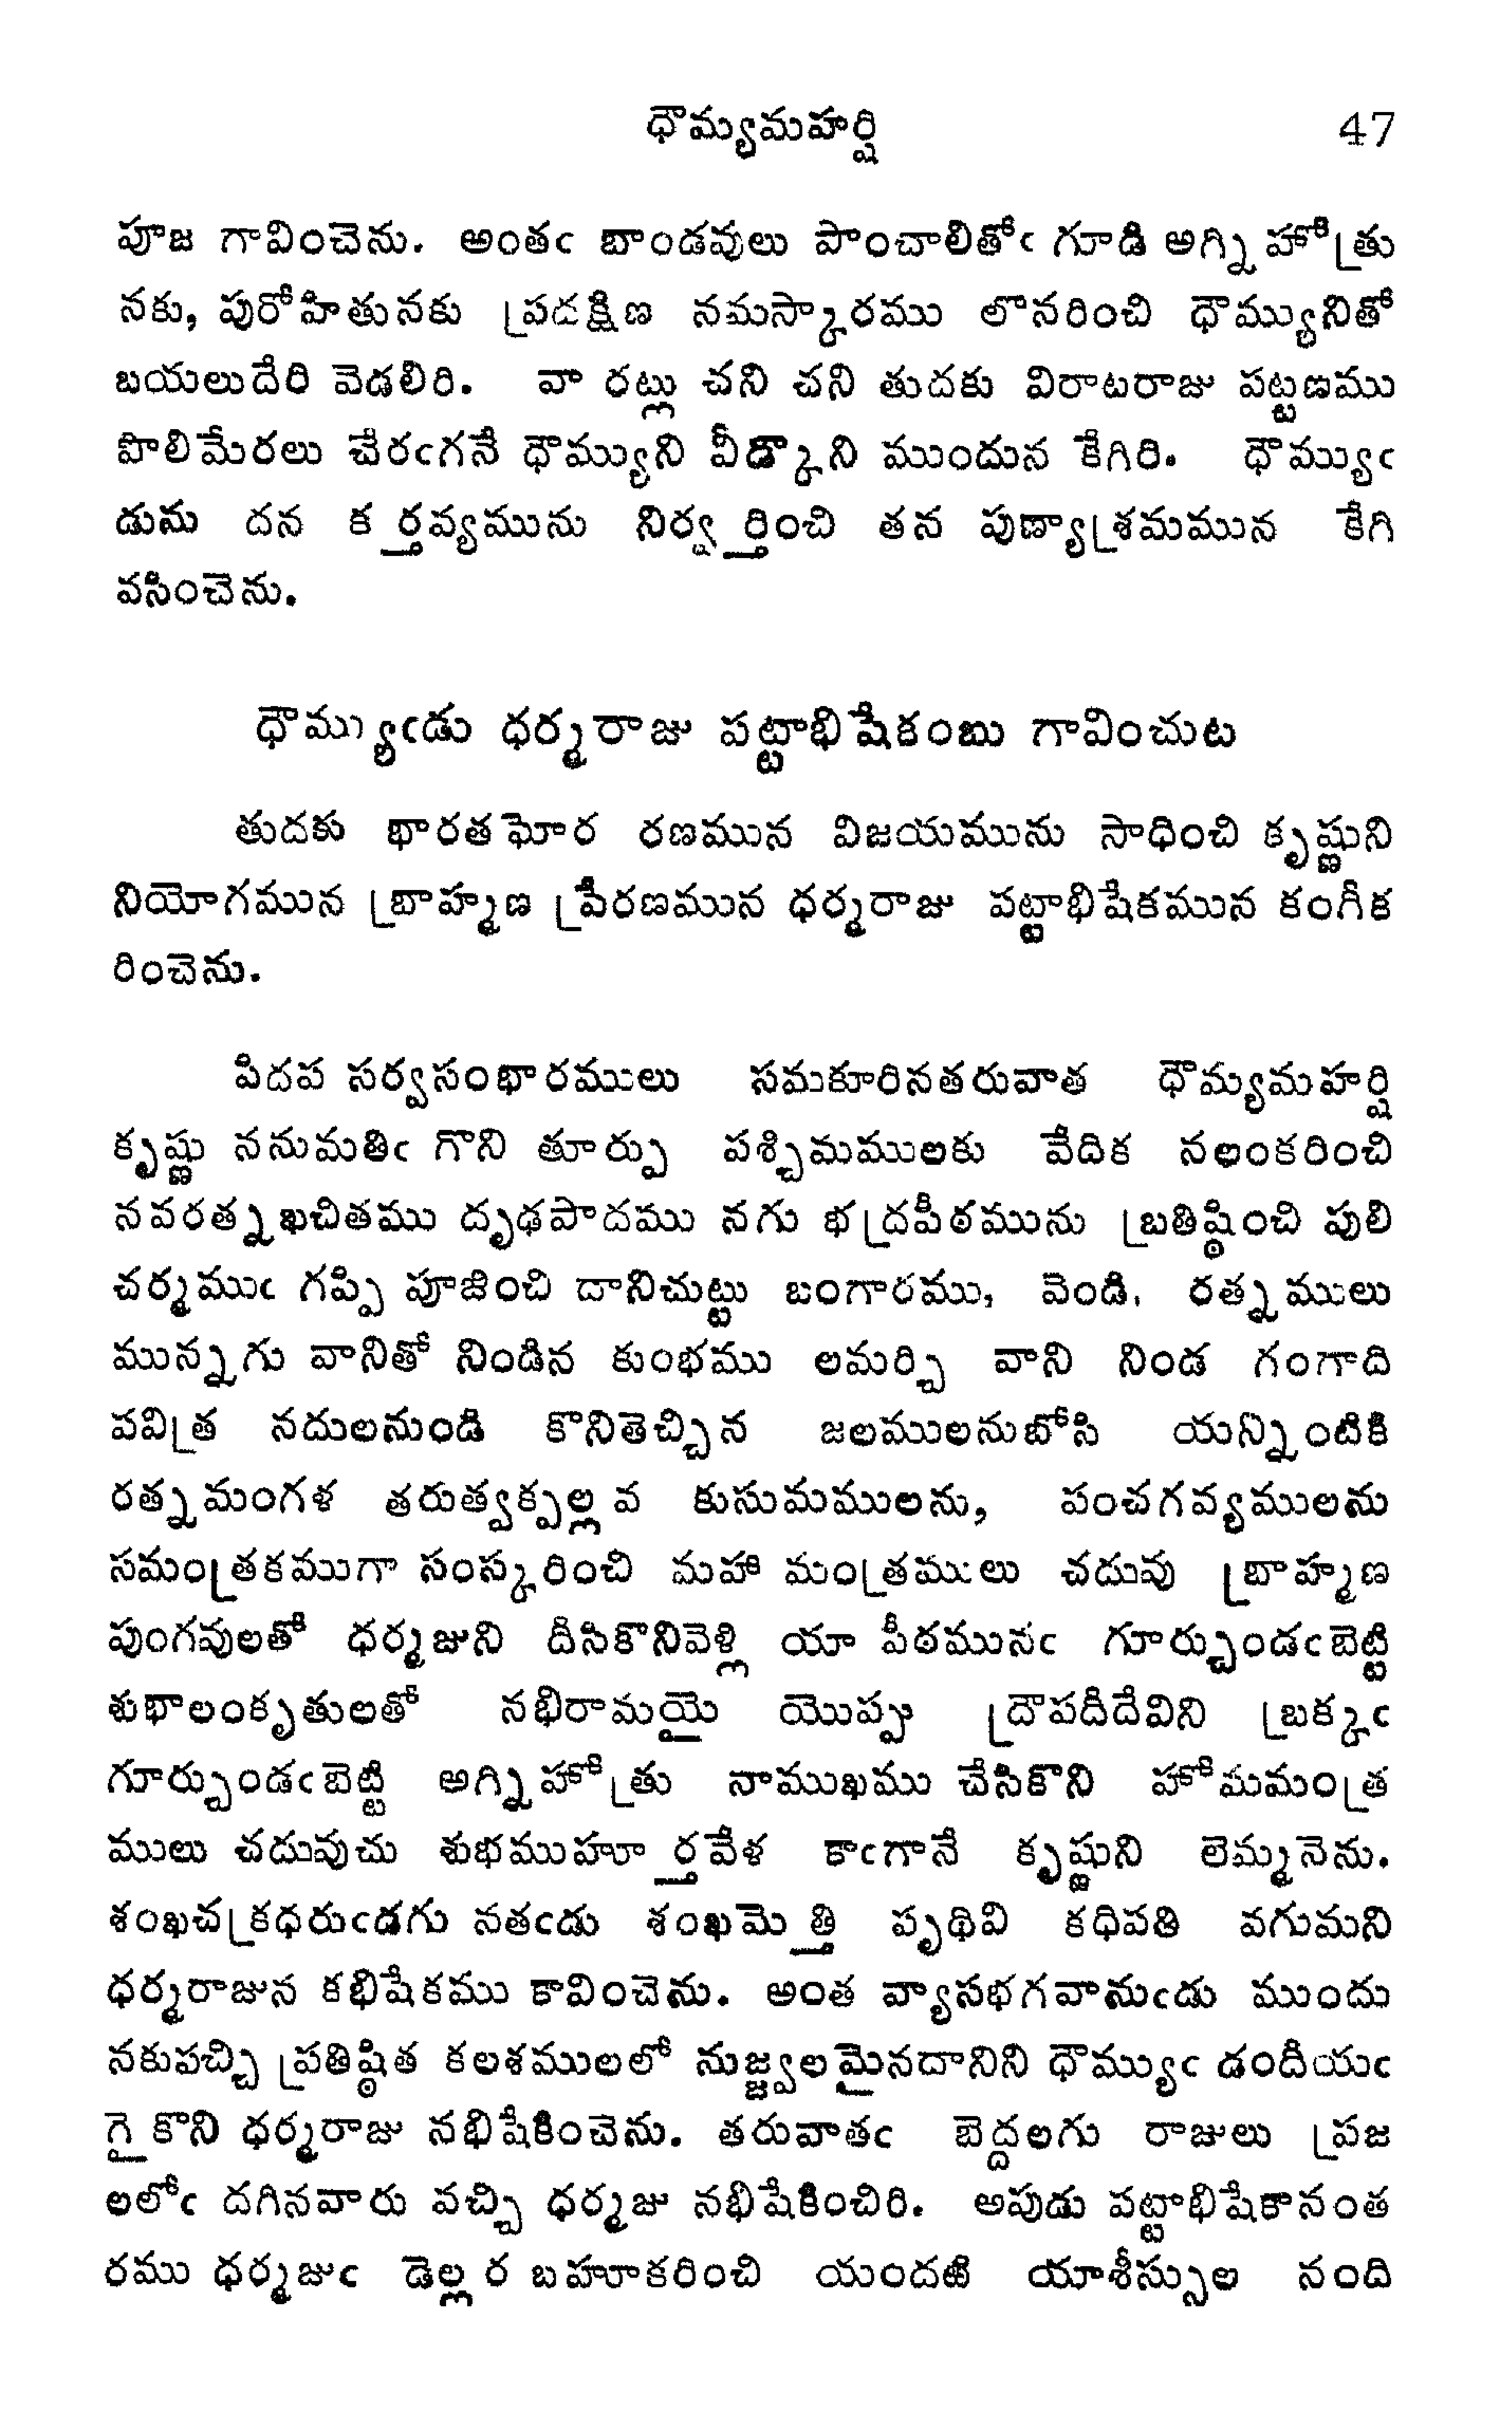పూజ గావించెను. అంతఁ బాండవులు పాంచాలితోఁ గూడి అగ్నిహోత్రునకు, పురోహితునకు ప్రదక్షిణ నమస్కారము లొనరించి ధౌమ్యునితో బయలుదేరి వెడలిరి. వా రట్లు చని చని తుదకు విరాటరాజు పట్టణము పొలిమేరలు చేరఁగనే ధౌమ్యుని వీడ్కొని ముందున కేగిరి. ధౌమ్యుఁడును దన కర్తవ్యమును నిర్వర్తించి తన పుణ్యాశ్రమమున కేగి వసించెను.

ధౌమ్యుఁడు ధర్మరాజు పట్టాభిషేకంబు గావించుట 

తుదకు భారతఘోర రణమున విజయమును సాధించి కృష్ణుని నియోగమున బ్రాహ్మణ ప్రేరణమున ధర్మరాజు పట్టాభిషేకమున కంగీకరించెను.

పిదప సర్వసంభారములు సమకూరినతరువాత ధౌమ్యమహర్షి కృష్ణు ననుమతిఁ గొని తూర్పు పశ్చిమములకు వేదిక నలంకరించి నవరత్నఖచితము దృఢపాదము నగు భద్రపీఠమును బ్రతిష్టించి పులి చర్మముఁ గప్పి పూజించి దానిచుట్టు బంగారము, వెండి, రత్నములు మున్నగు వానితో నిండిన కుంభము లమర్చి వాని నిండ గంగాది పవిత్ర నదులనుండి కొనితెచ్చిన జలములను బోసి యన్నింటికి రత్నమంగళ తరుత్వక్పల్లవ కుసుమములను, పంచగవ్యములను సమంత్రకముగా సంస్కరించి మహా మంత్రములు చదువు బ్రాహ్మణ పుంగవులతో ధర్మజుని దీసికొనివెళ్లి యా పీఠమునఁ గూర్చుండఁబెట్టి శుభాలంకృతులతో నభిరామయై యొప్పు ద్రౌపదీదేవిని బ్రక్కఁ గూర్పుండఁబెట్టి అగ్నిహోత్రు నాముఖము చేసికొని హోమమంత్రములు చదువుచు శుభముహూర్తవేళ కాఁగానే కృష్ణుని లెమ్మనెను. శంఖచక్రధరుఁడగు నతఁడు శంఖమె త్తి పృథివి కధిపతి వగుమని ధర్మరాజున కభిషేకము కావించెను. అంత వ్యాసభగవానుఁడు ముందునకువచ్చి ప్రతిష్ఠిత కలశములలో నుజ్జ్వలమైనదానిని ధౌమ్యుఁ డందీయఁ గైకొని ధర్మరాజు నభిషేకించెను. తరువాతఁ బెద్దలగు రాజులు ప్రజలలోఁ దగినవారు వచ్చి ధర్మజు నభిషేకించిరి. అపుడు పట్టాభిషేకానంతరము ధర్మజుఁ డెల్ల ర బహూకరించి యందఱి యాశీస్సుల నంది